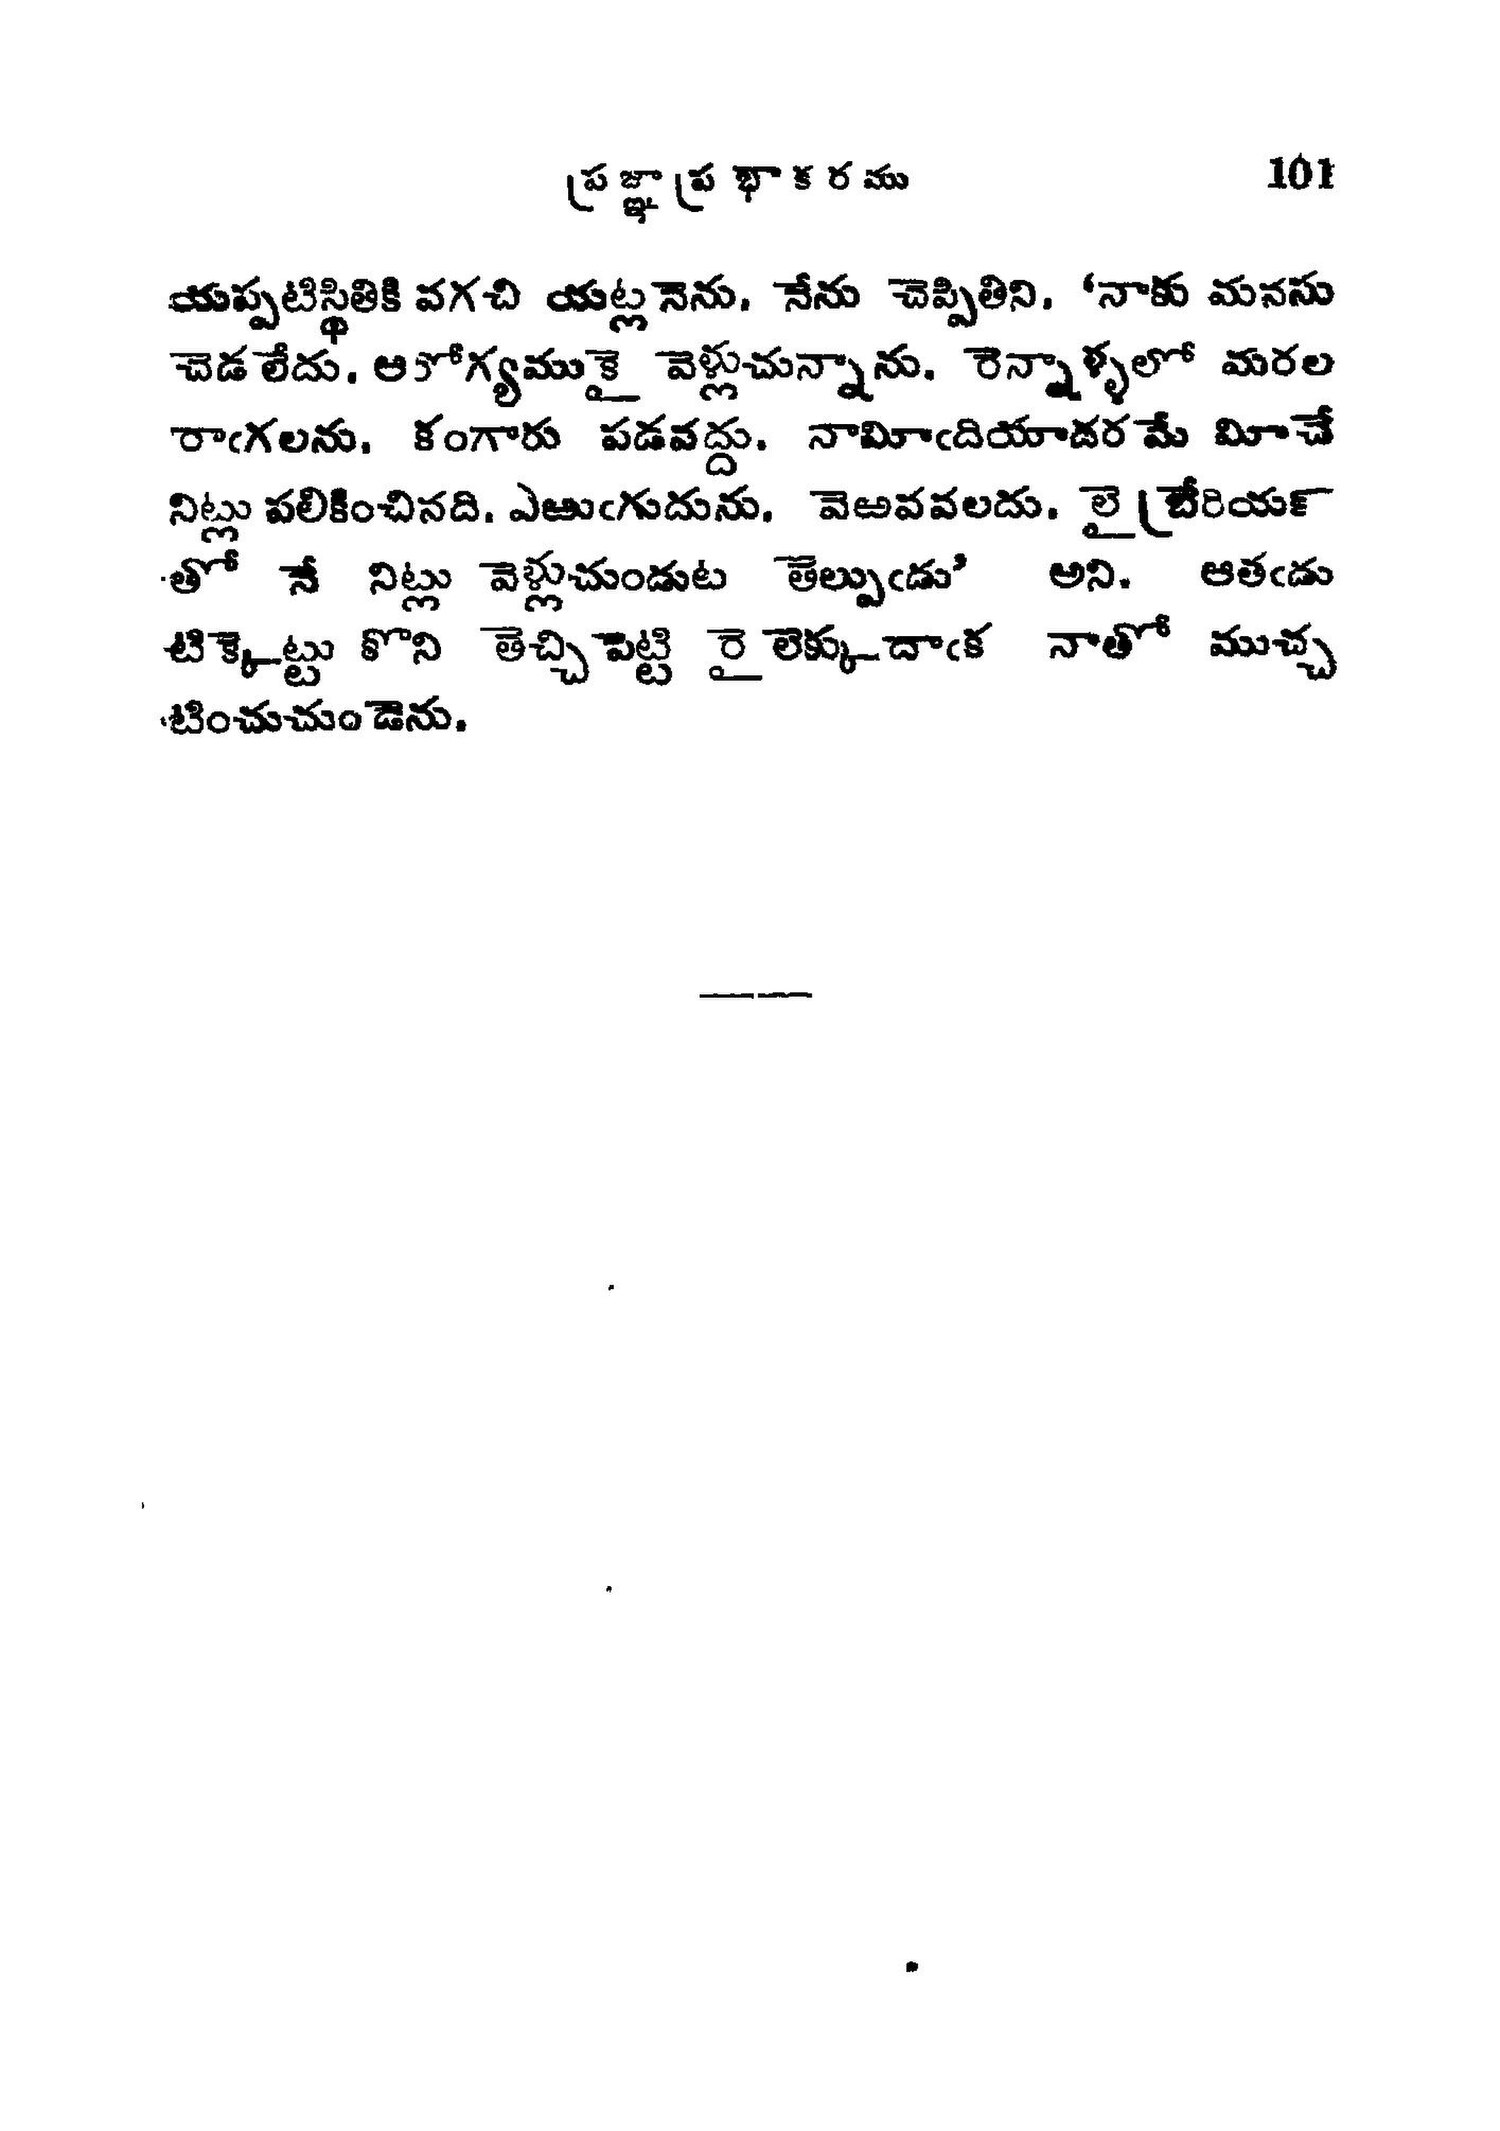యప్పటికి స్ధితికి వగచి యట్లనెను.నేను చెప్పితిని. నాకు మనసు చెడలేదు. ఆరోగ్యమునకై వెళ్లుచున్నాను. రెన్నాళ్ళలో మరలరాఁగలను. కంగారుపడవద్దు. నామీది యాదరమే మి చేనిట్లు పలికించినది. ఎఱుఁగుదును. వెఱవవలదు. లైబ్రేరియన్‌ తోనే నిట్లు వెళ్ళుచుండుట తెల్పుఁడు అని. ఆతఁడు టిక్కెట్టు కొని తెచ్చి పెట్టి రైలెక్కు దాఁక నాతో ముచ్చటించుచుండెను.